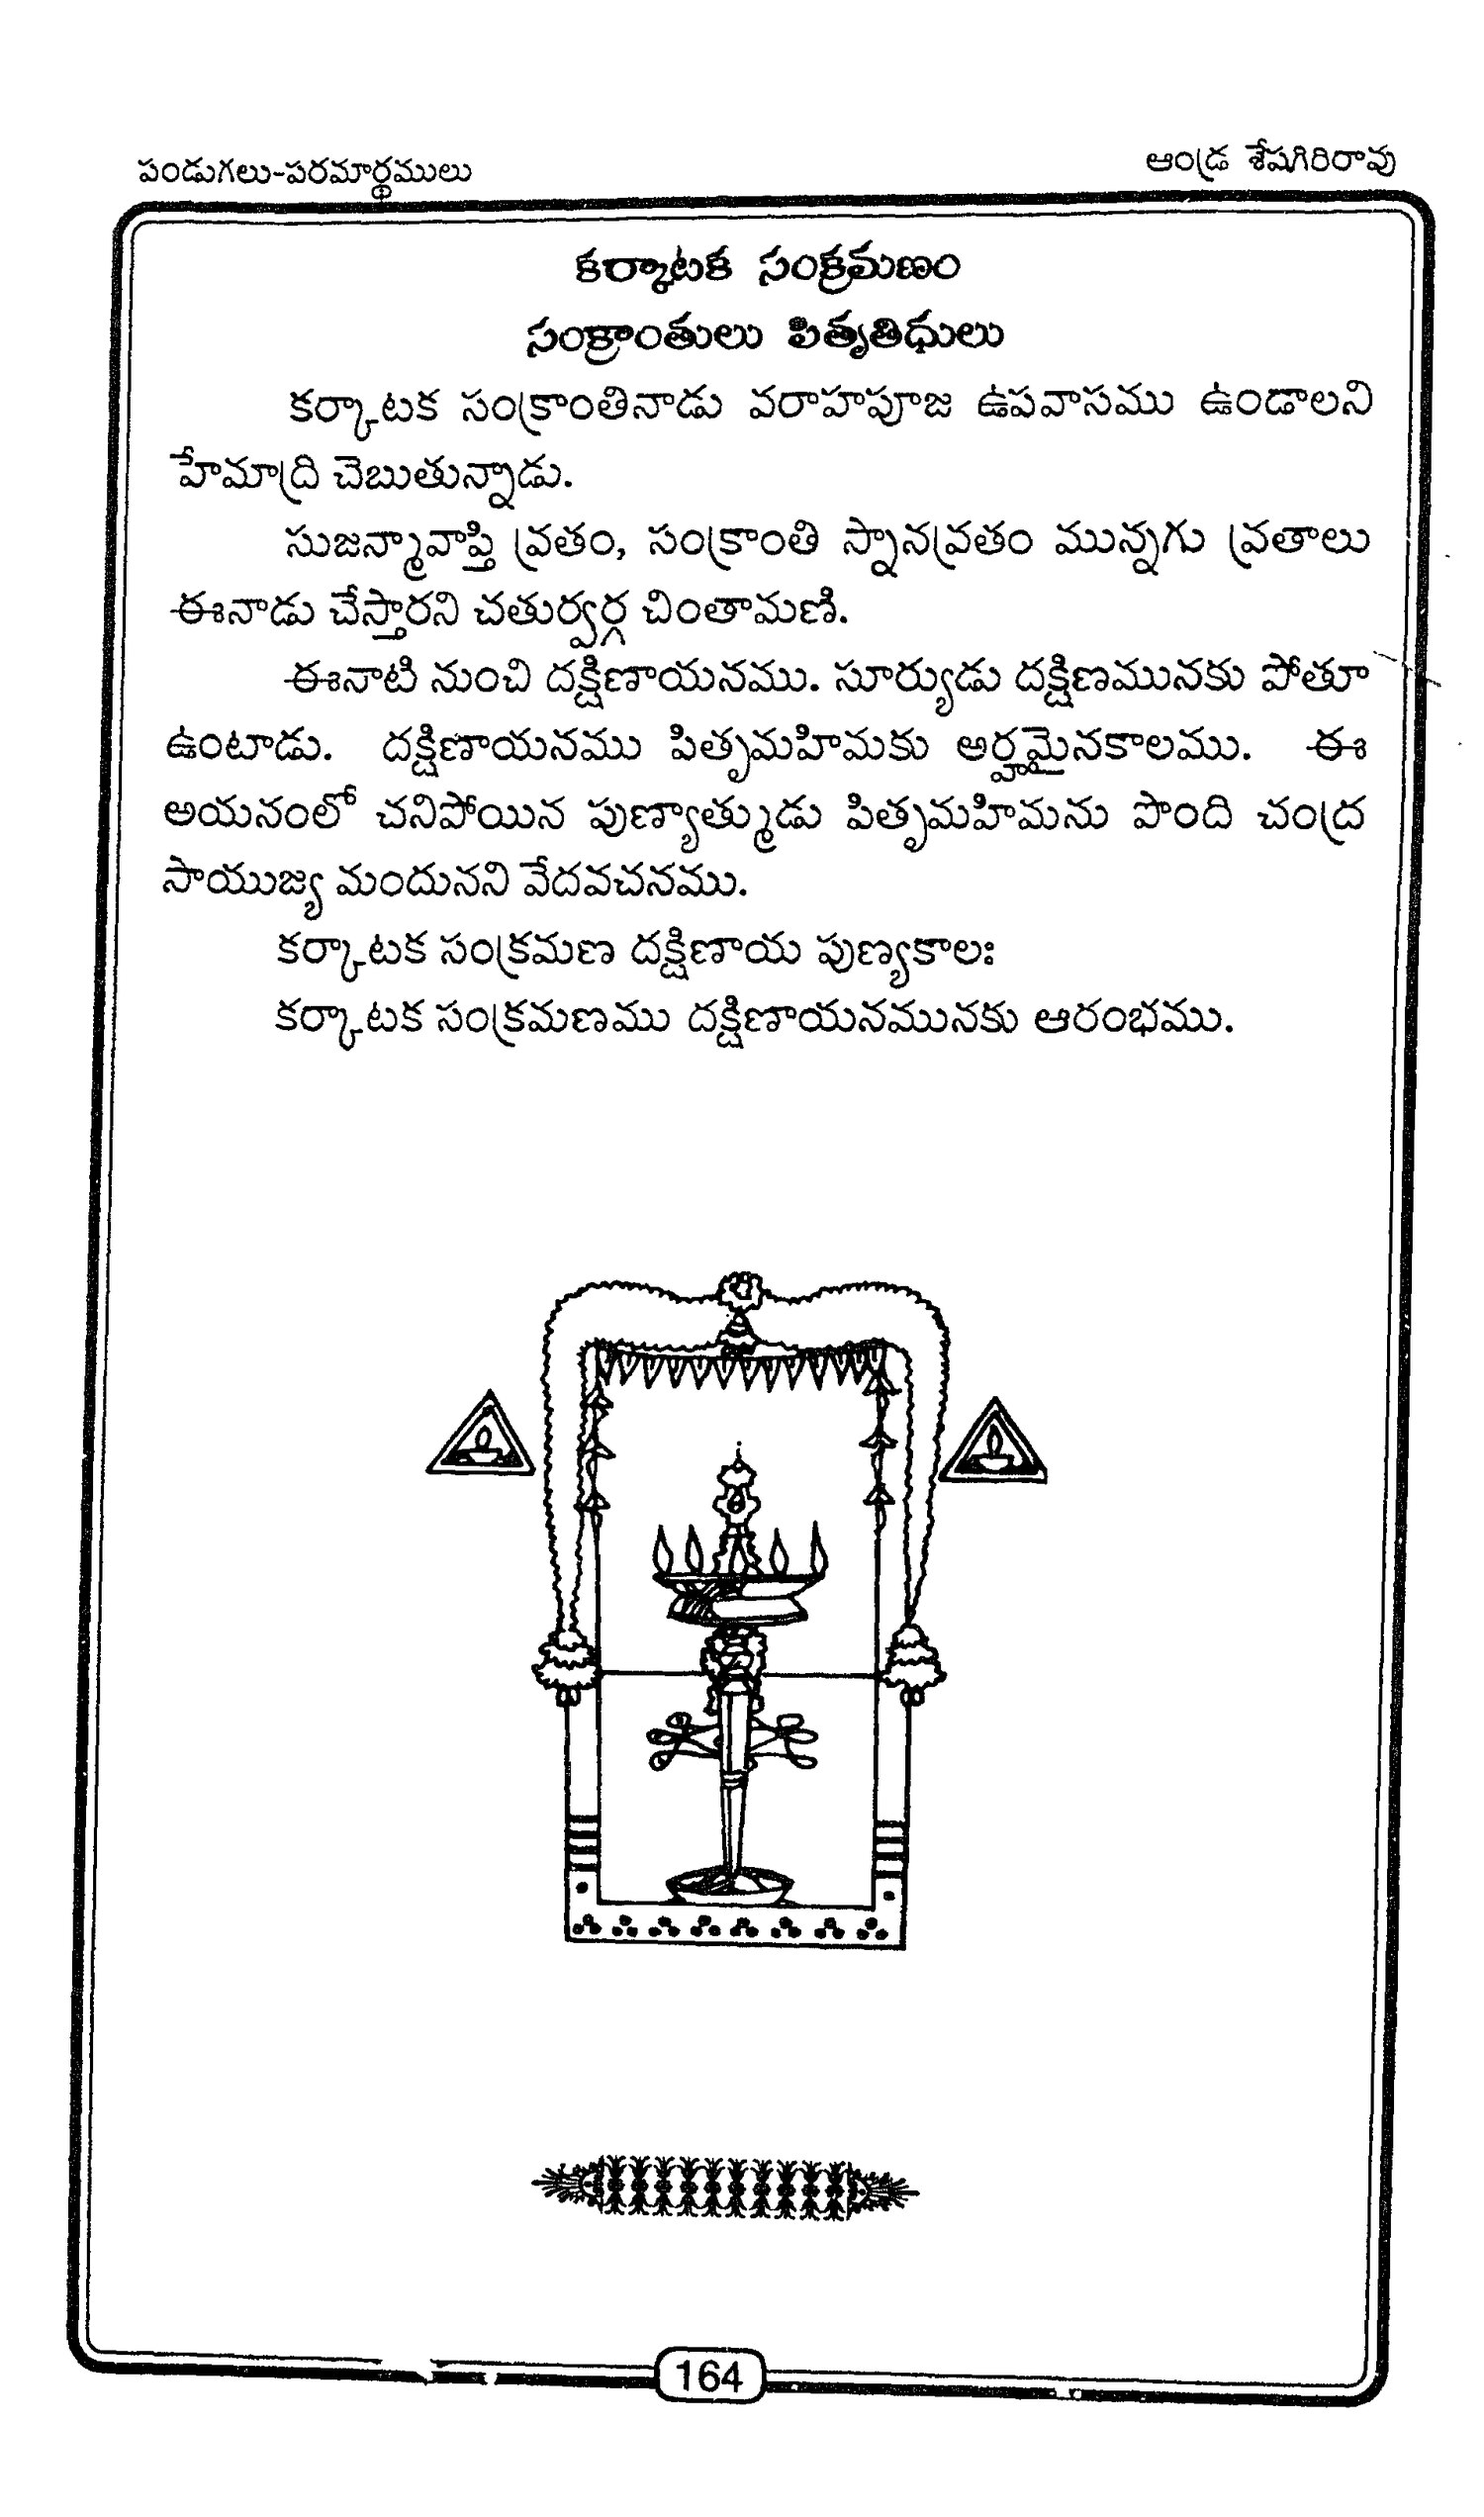కర్కాటక్ సంక్రమణం
 సంక్రాంతులు పితృతిధులు
 కర్కాటక సంక్రాంతినాడు వరాహపూజ ఉపవాసము ఉండాలని హేమాద్రి చెబుతున్నాడు.
 సుజన్మావాప్తి వ్రతం, సంక్రాంతి స్నానవ్రతం మున్నగు వ్రతాలు ఈనాడు చేస్తారని చరుర్వర్గ చింతామణి.
 ఈనాటి నుంచి దక్షిణాయనము, సూర్యుడు దక్షిణ్ంఅమునకు పోతూ ఉంటాడు. దక్షిణాయనము పితృమహిమకు అర్హమైనకాలము. ఈ ఆయనంలో చనిఫోయిన పుణ్యాత్ముడు పితృమహిమను పొంది చంద్ర సాయుజ్య మందునని వేదనవచనము.
 కర్కాటక సంక్రమణ దక్షిణాయ పుణ్యకాలు
 కర్కాటక సంక్రమణము దక్షిణాయనమునకు ఆరంభము.